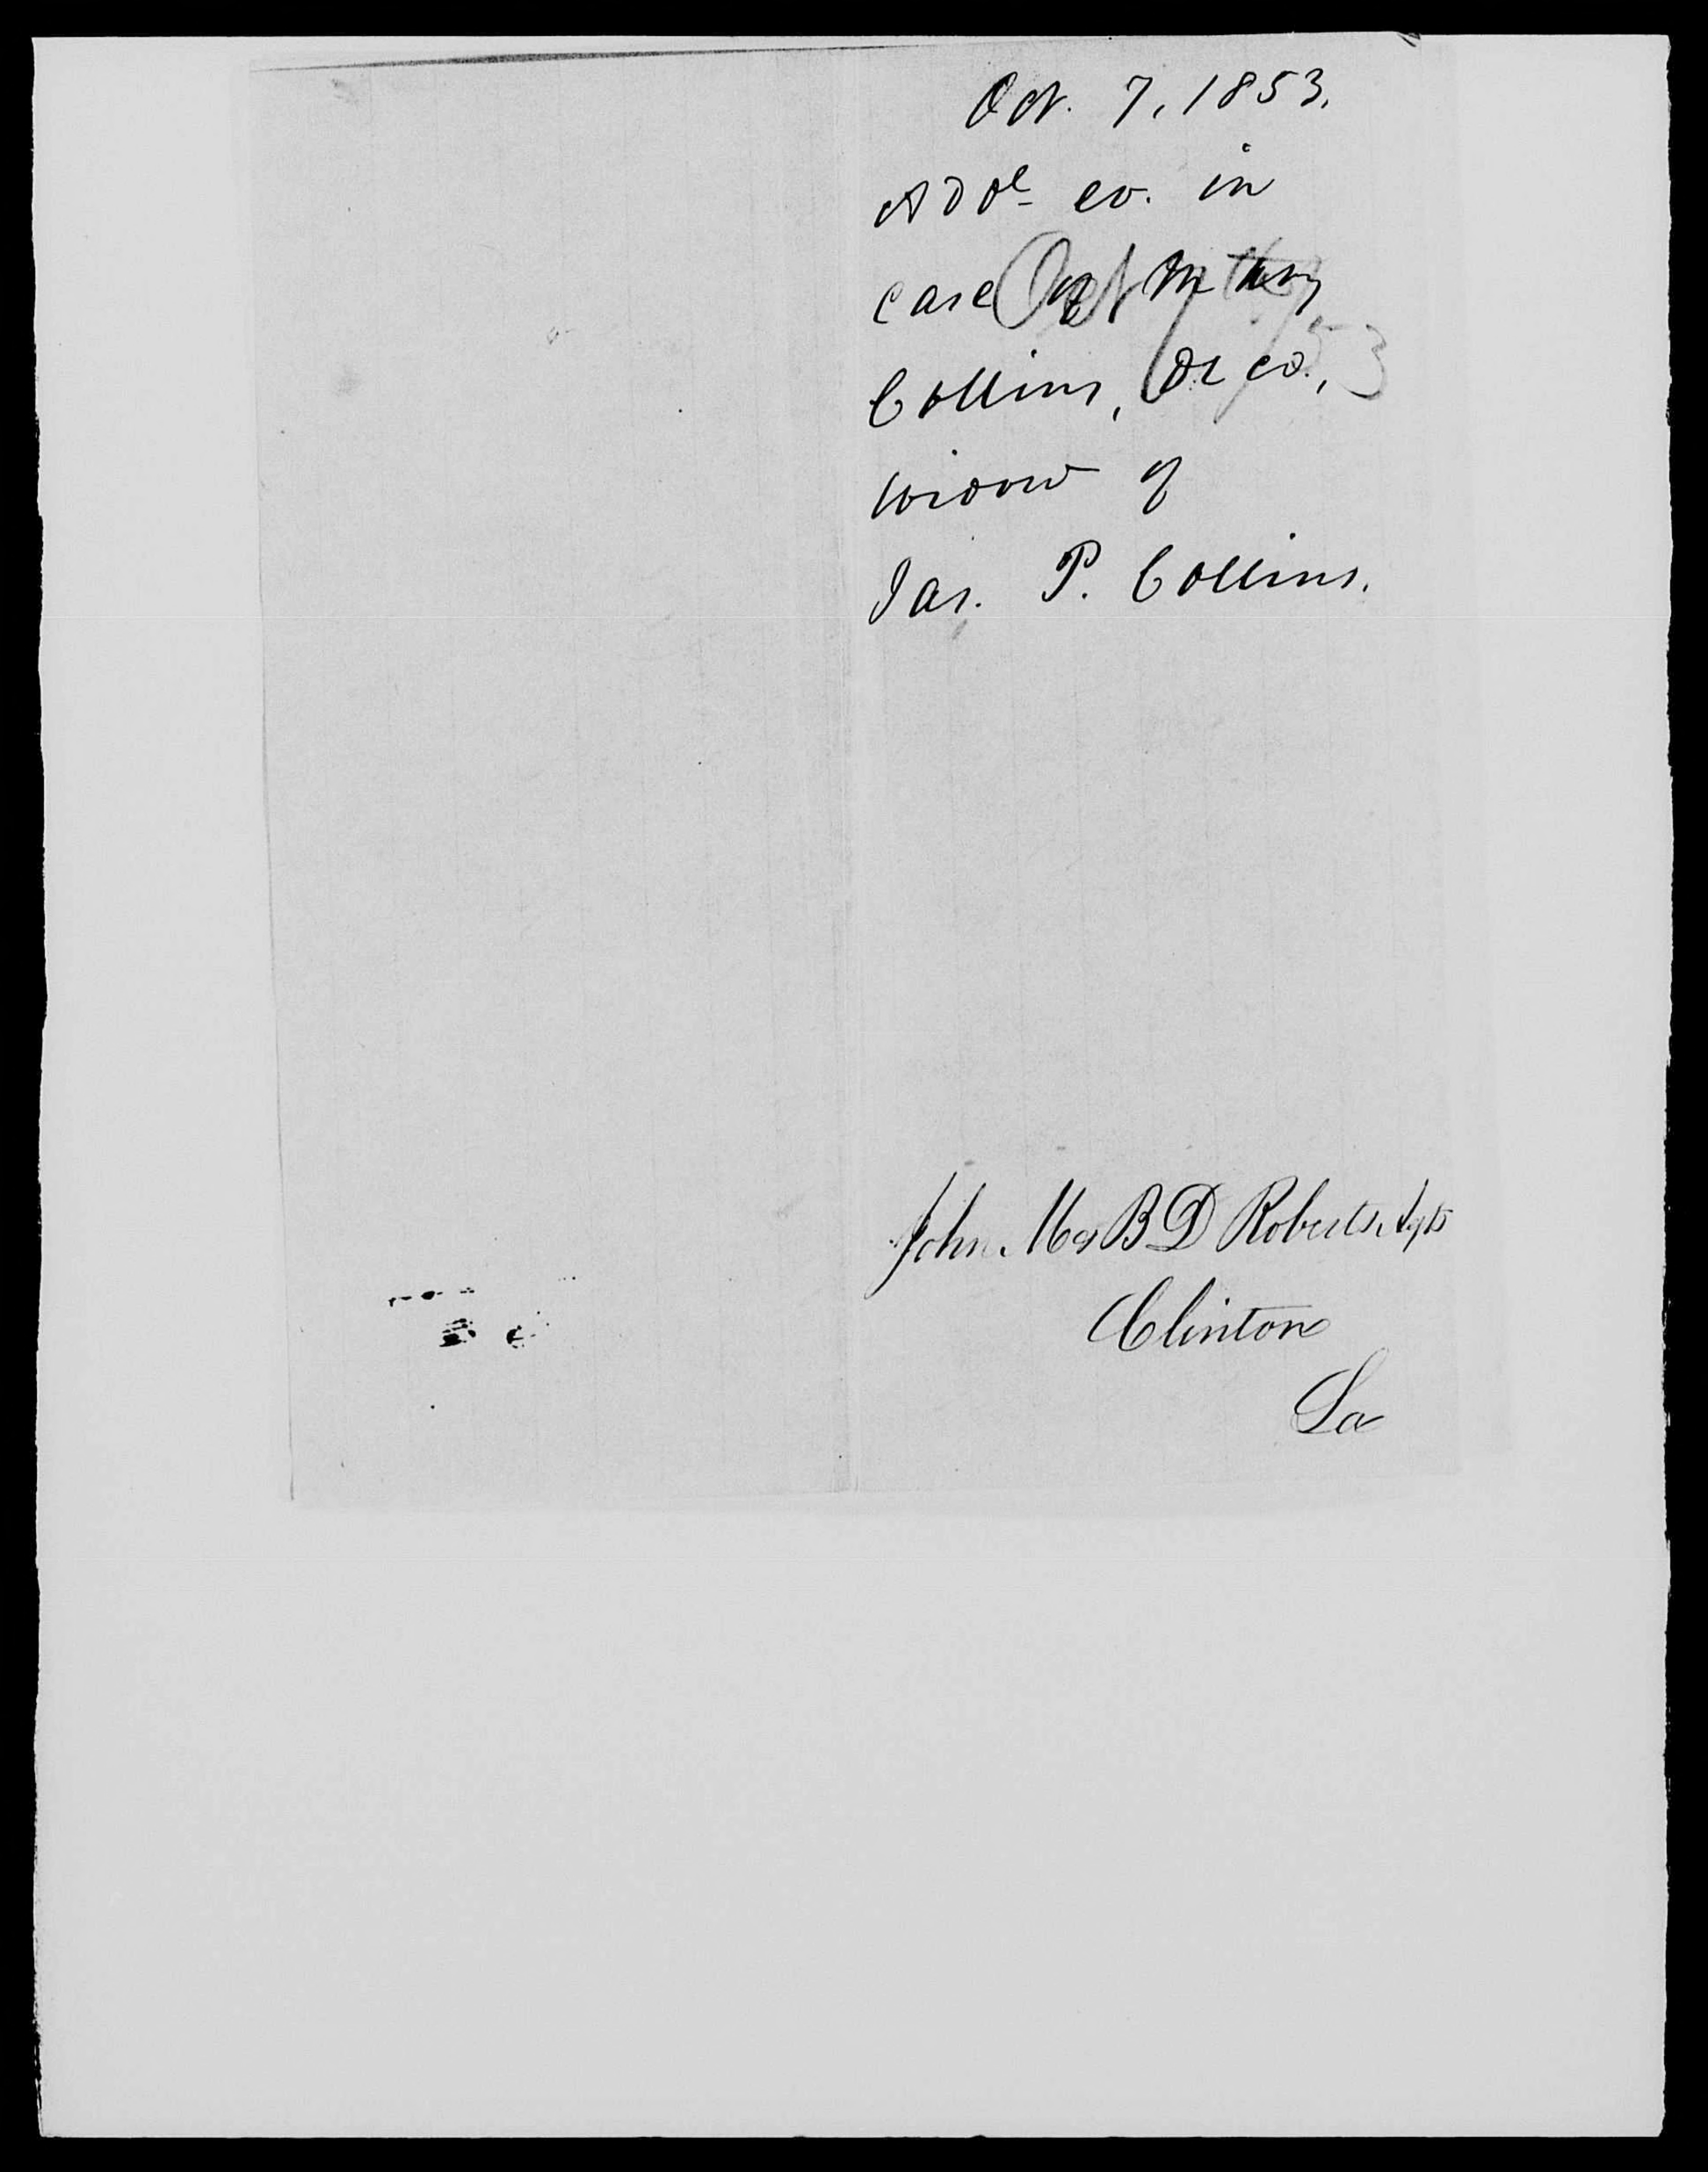.
Oct. 7, 1853
Addl. ev. in
case of [illegible]
Collins or Co.
Widow
of Js. P. Collins
John M B D Roberts Sgts
Clinton
La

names: John M Roberts, B D Roberts, Collins, Jas P Collins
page: 14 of 48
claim: rejected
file: R. 2173, James P Collins, S. C.